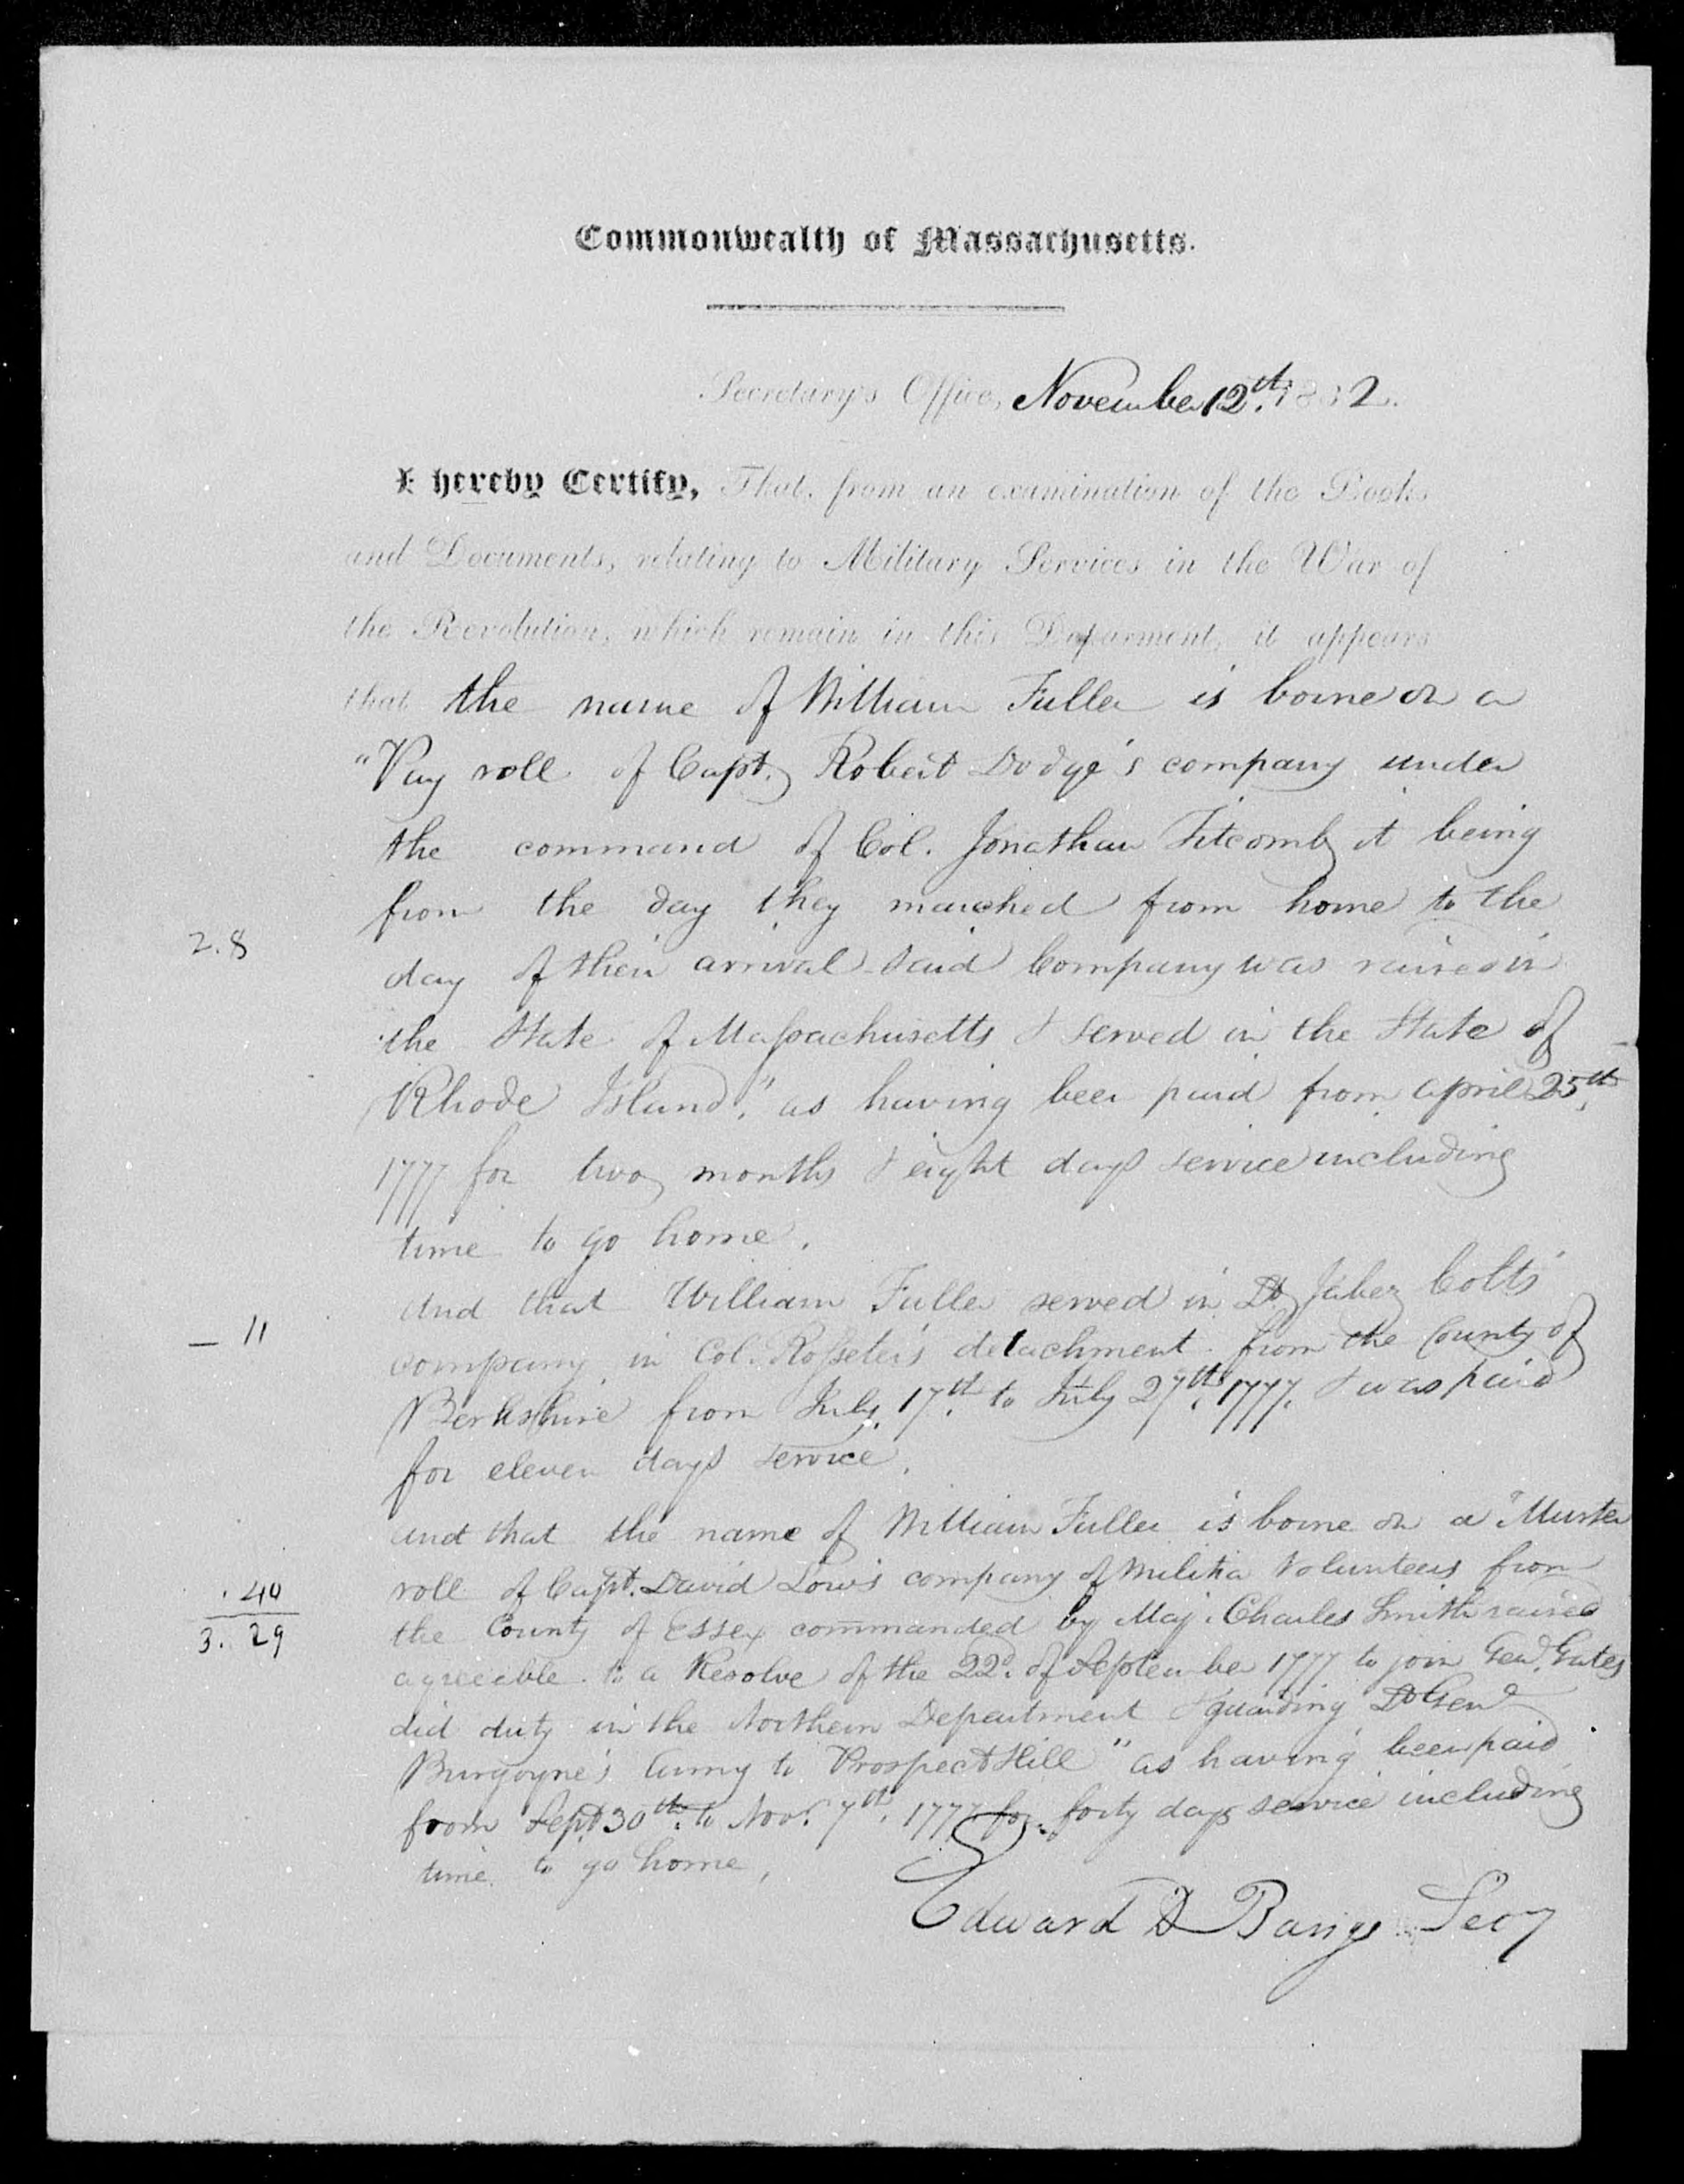Commonwealth of Massachusetts.
Secretary’s Office, November 12th, 1832.
I hereby certify, That from an examination of the Books and Documents, relating to Military Services in the War of the Revolution, which remain in this Department it appears that the name of William Fuller is borne on a “Pay roll of Capt. Robert Dodge’s company under the command of Col. Jonathan Titcomb it being from the day they marched from home to the [added in margin: 2.8] day of their arrival said company was raised in the state of Massachusetts & served in the state of Rhode Island,” as having been paid from April 25th, 1777 for two months & eight days service including time to go home.
[added in margin: __11] And that William Fuller served in Lt. Jabez Colt’s company in Col. Robert’s detachment from the County of Berkshire from July 17th to July 27th, 1777 & was paid for eleven days service.
And that the name of William Fuller is borne on a “Muster [added in margin: .40 = 3.29]
 roll of Capt. David Low's company of Militia Volunteers from the County of Essex commanded by Maj. Charles Smith raised agreeable to a Resolve of the 22nd of September 1777 to join Gen. Gates did duty in the Northern Department & guarding Lt. Gen. Burgoyne’s Army to Prospect Hill” as having been paid from Sept 30th to Nov. 7th, 1777, for forty days service including time to go home.
Edward D Bangs Sec’y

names: Rosseter, William Fuller, Burgoyne, Charles Smith, Gates, William Fuller, Edward D Bangs, William Fuller, Jonathan Titcomb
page: 24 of 45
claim: widow's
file: W. 17933, William Fuller, Mass